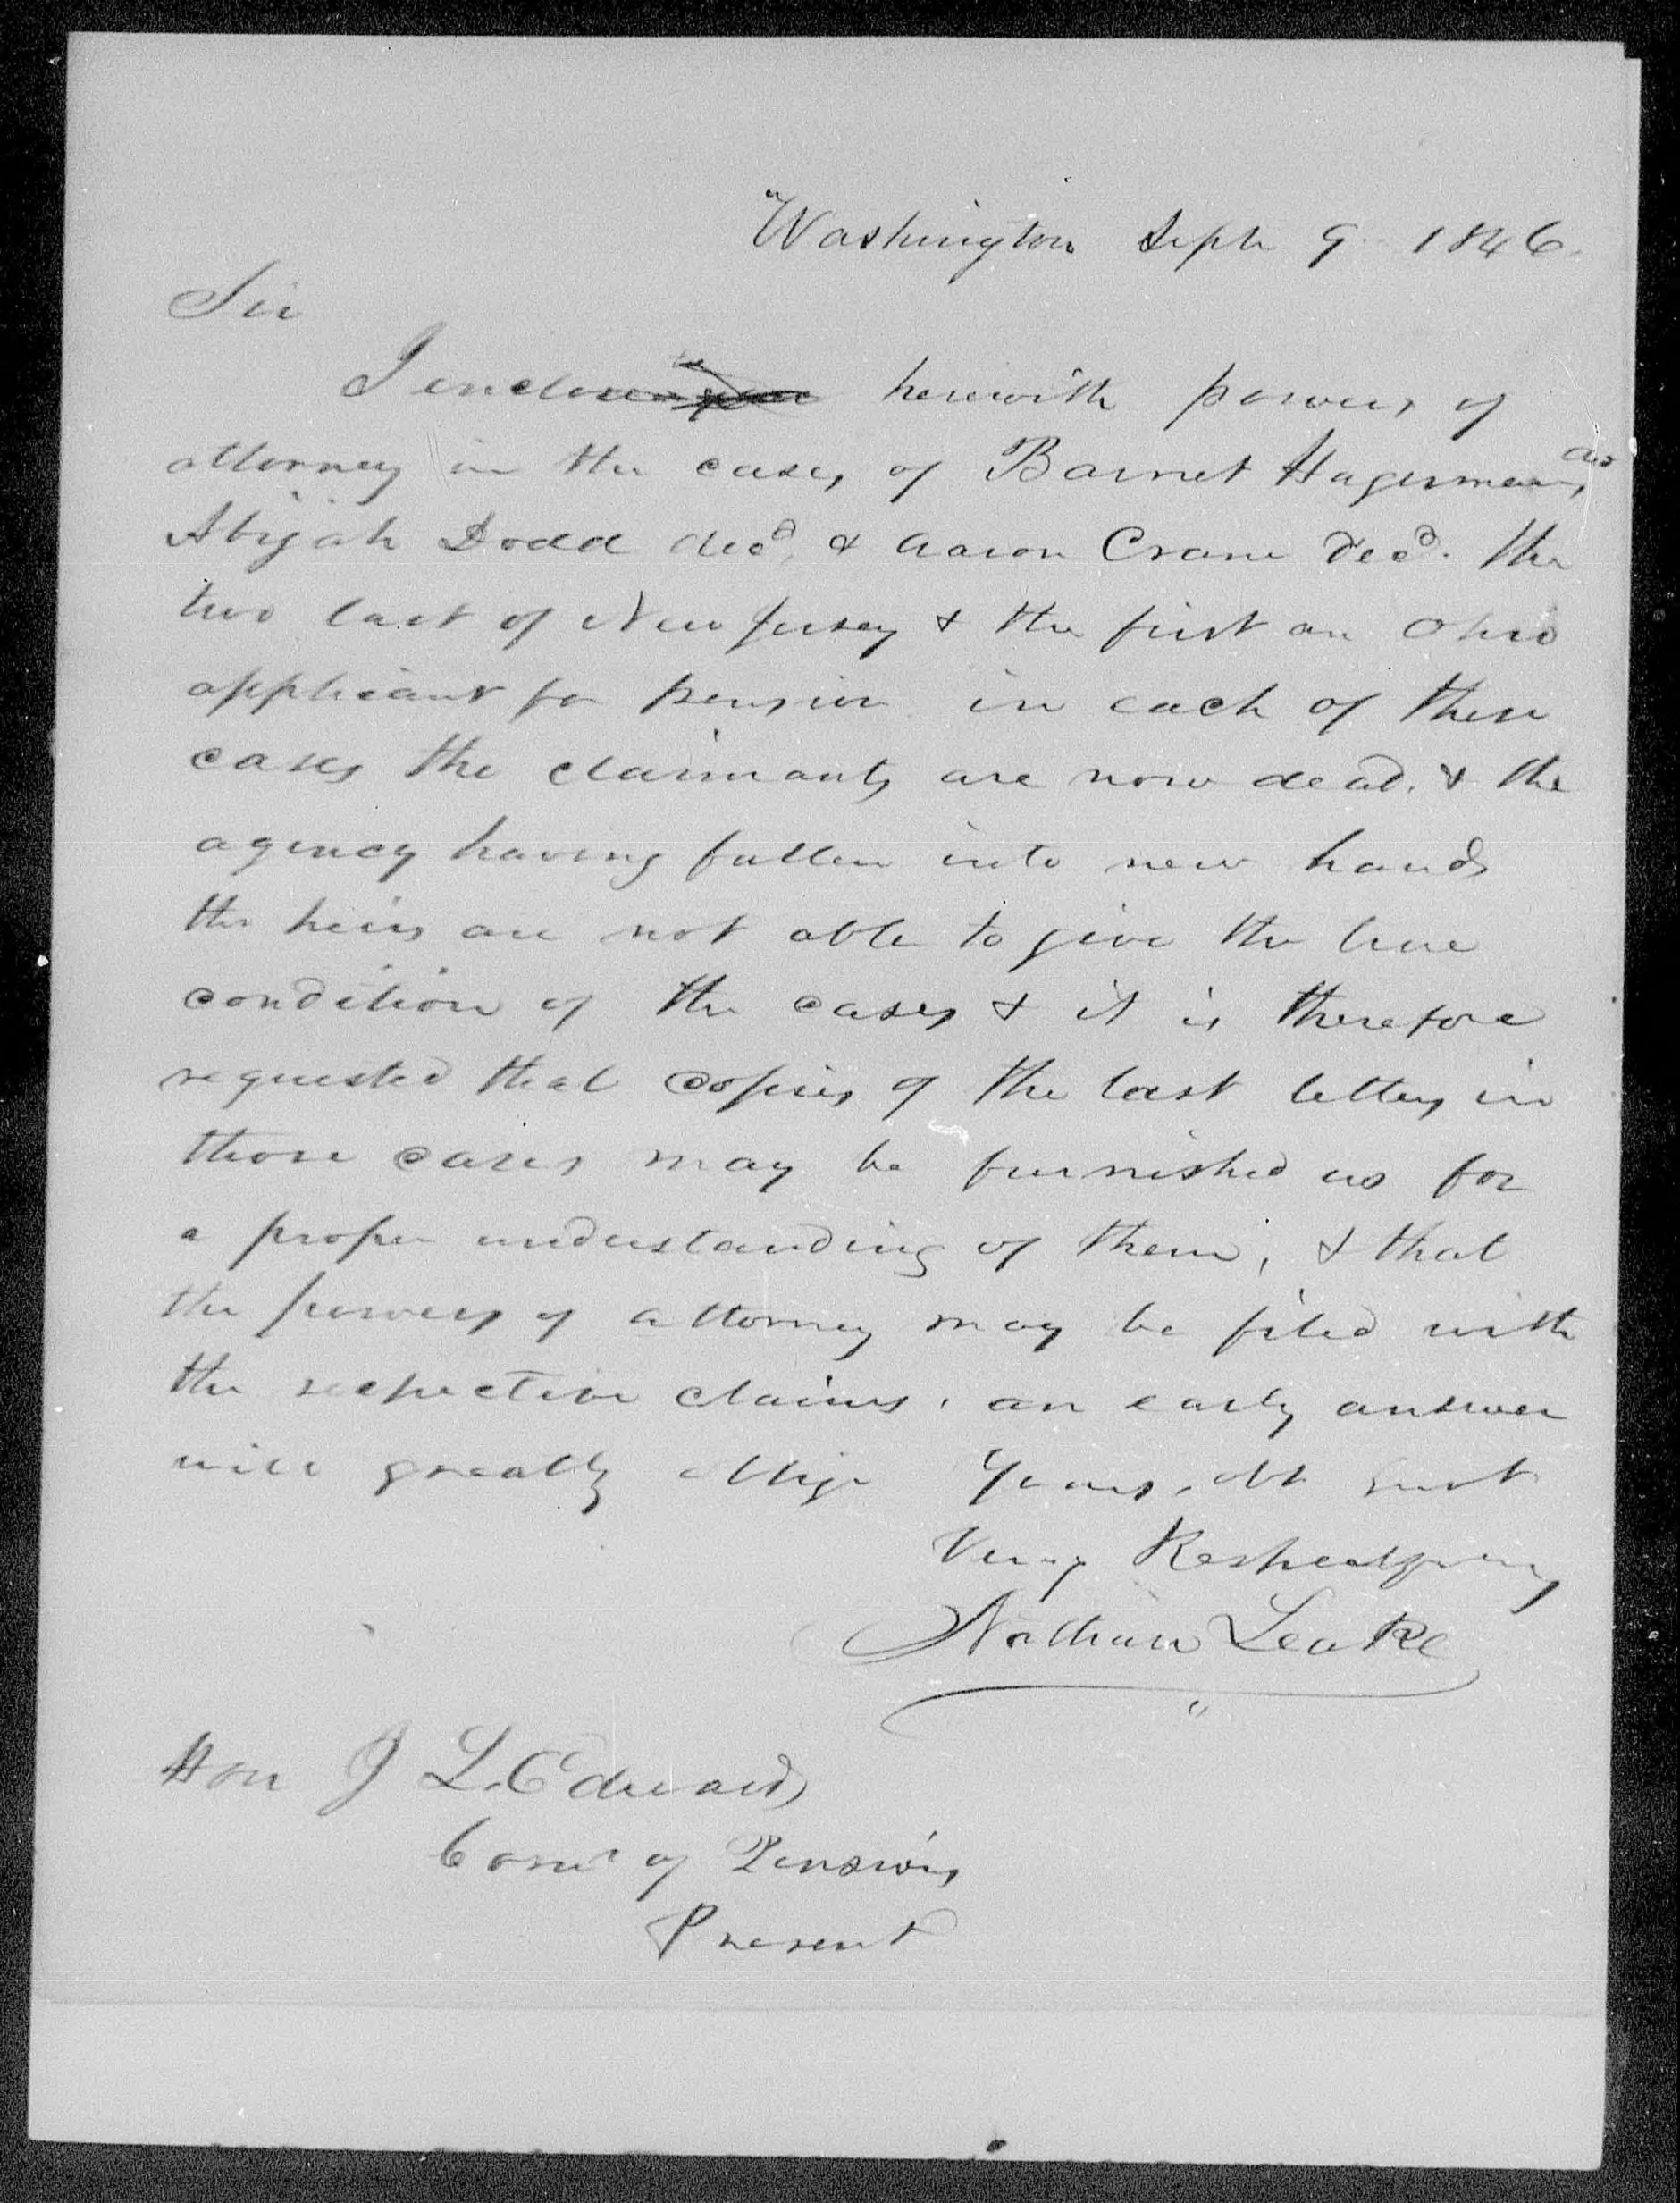.                          Washington       Sept 9 1846

Sir

I enclosed herewith power of

attorney in the case of Barnet Hagerman, an

Abijah Dodd decd & Aaron Crane decd the

two las t of New Jersey & the first an Ohio

applicant for pension in each of these

cases the claimants are now dead & the

agency having fallen int new hand 

the heirs are not able to give the true

condition of the cases & it is therefore

requested that copes of the last letters in

thoses cases may be furnished as for

a proper understanding of them, & that

the power of attorney may be file with

the rejection claims, as an early answer

will greatly oblige     Yours obt srvt

                         Very Respectivefully

             
                            Nathan Leake



Hon J L Edwards

Com of Pensions

Present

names: Nathan Leake, Aaron Crane, Barnet Hagerman, Abijah Dodd, J L Edwards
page: 25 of 32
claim: rejected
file: R. 2441, Aaron Crane, New Jersey